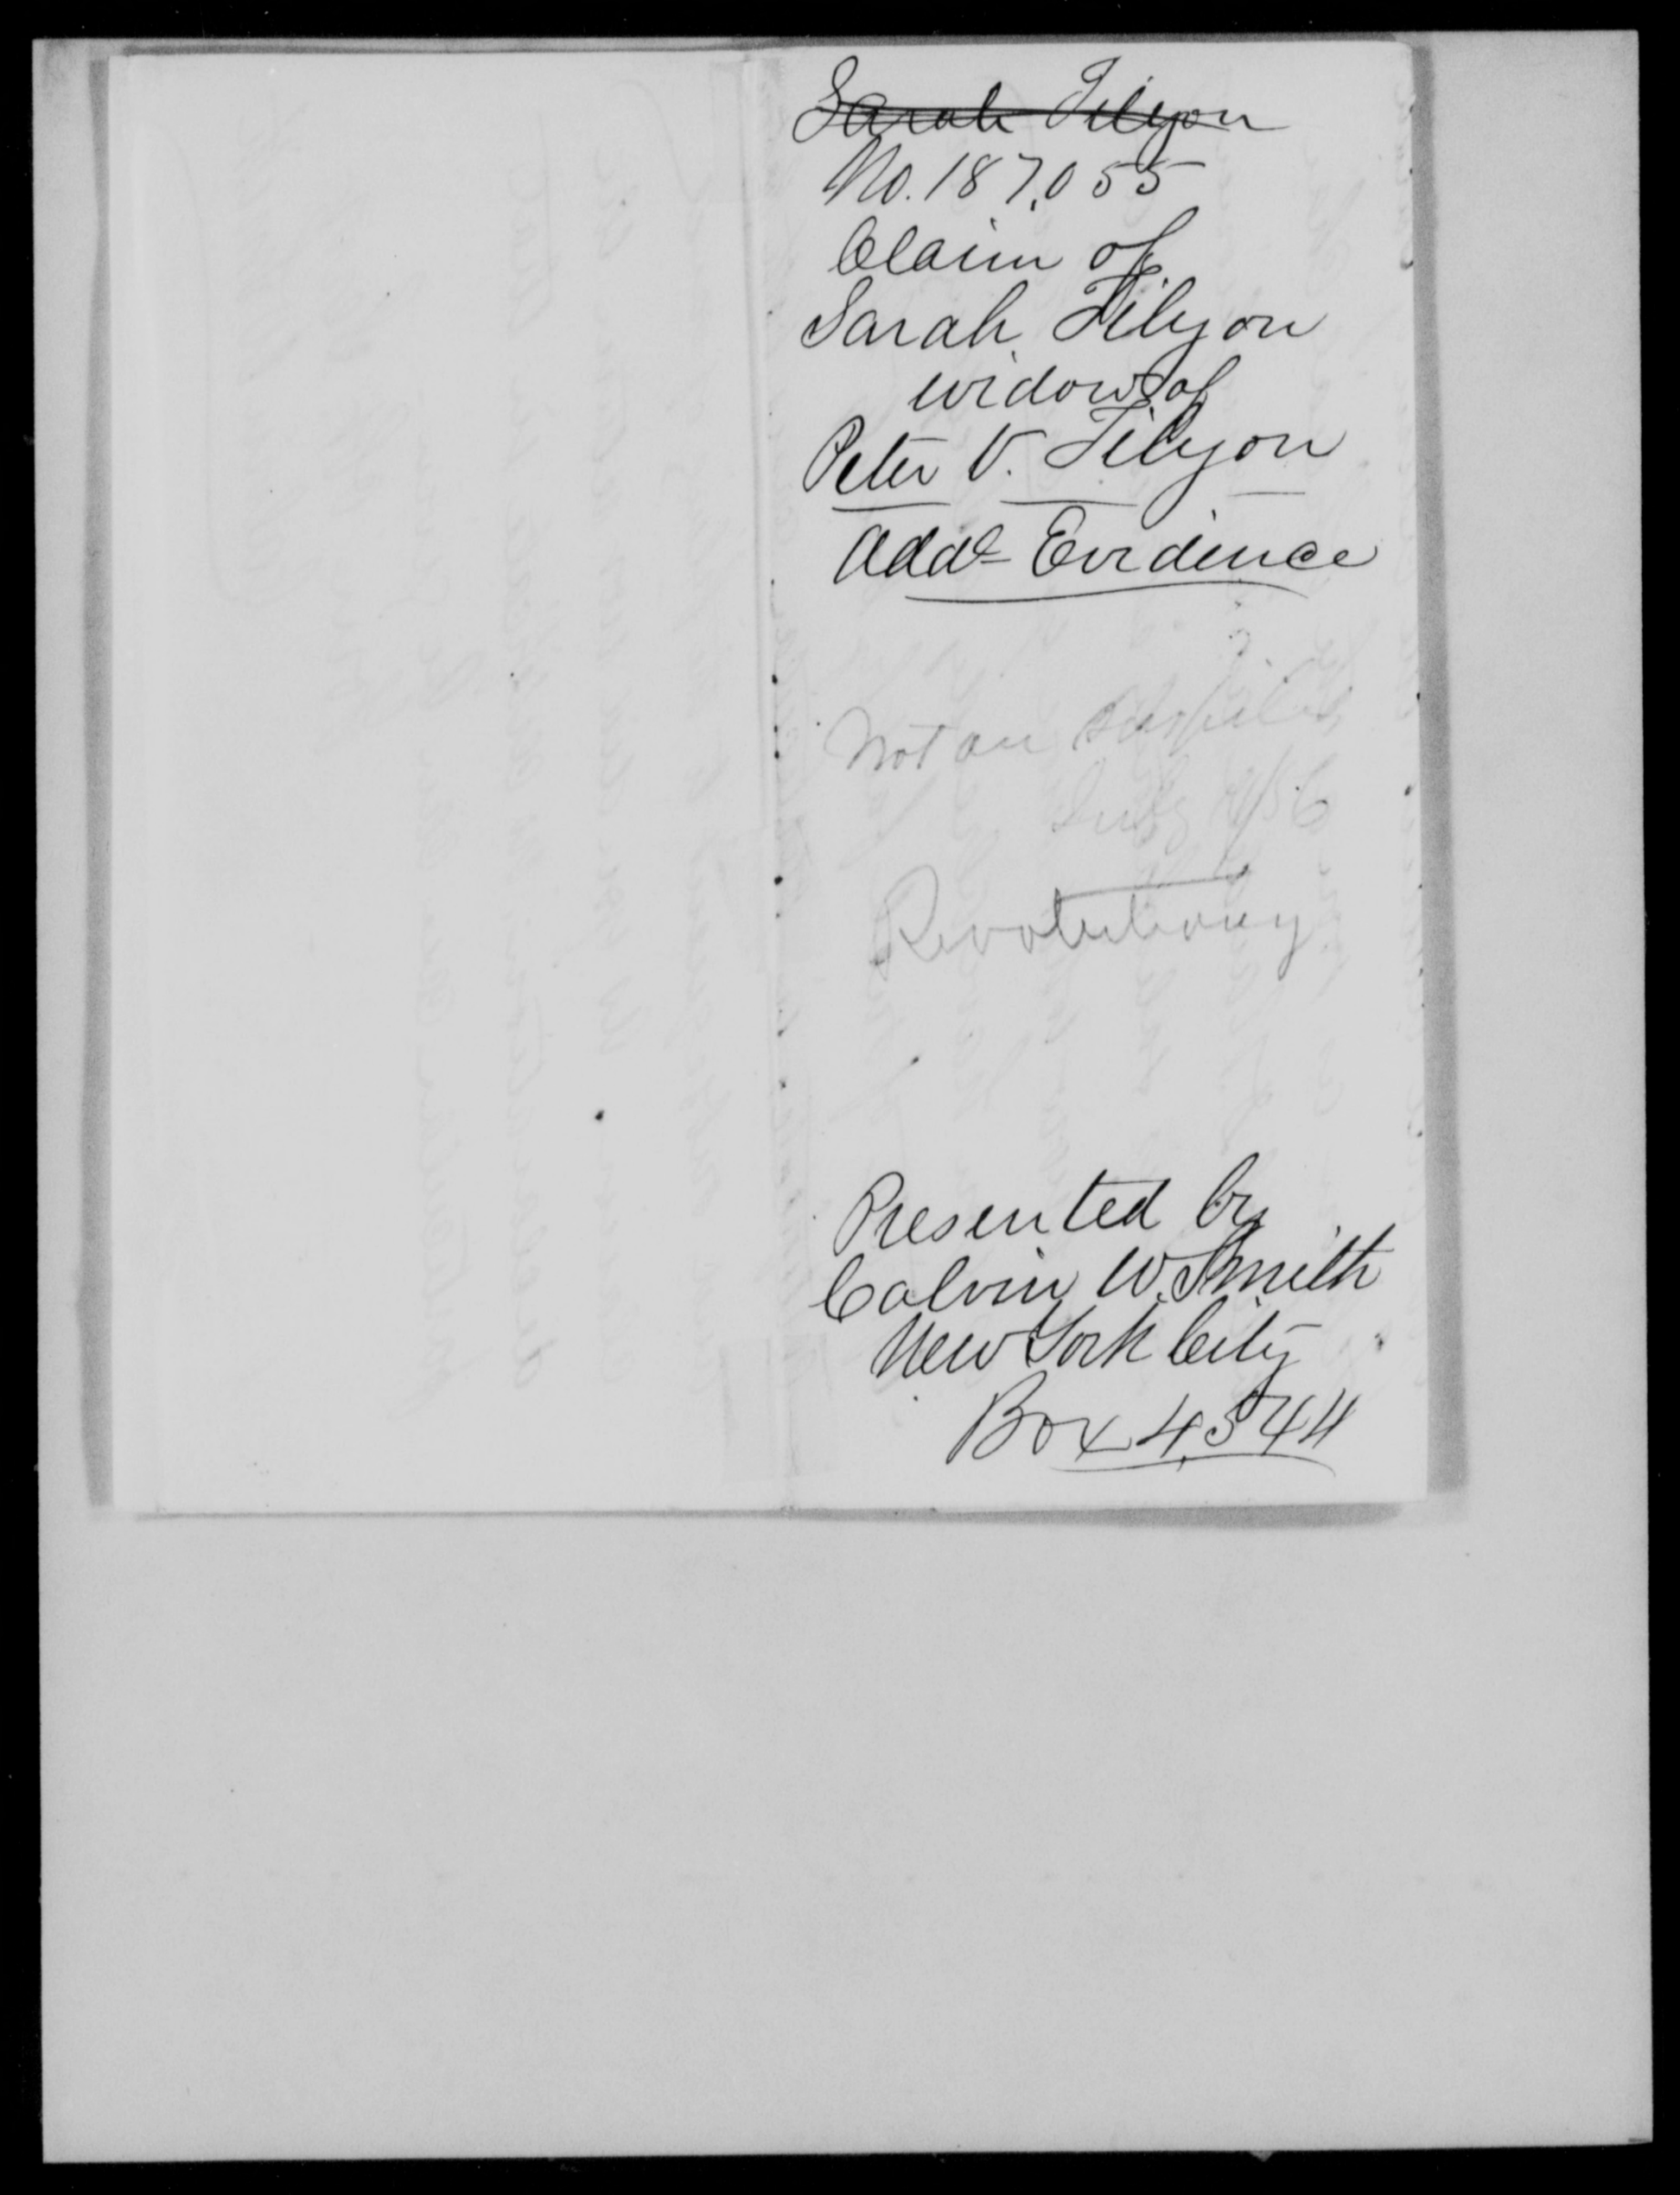[crossed out - Sarah Tilyou]
No. 187,055
Claim of Sarah Tilyou
 widow of Peter V. Tilyou
 Addl Evidence

Not an [illegible]
July ?/56
Revolutionary

Presented by Calvin W. Smith
New York city
Box 4,544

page: 99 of 101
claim: widow's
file: W. 25481, for Peter V Tilyou, New Jersey